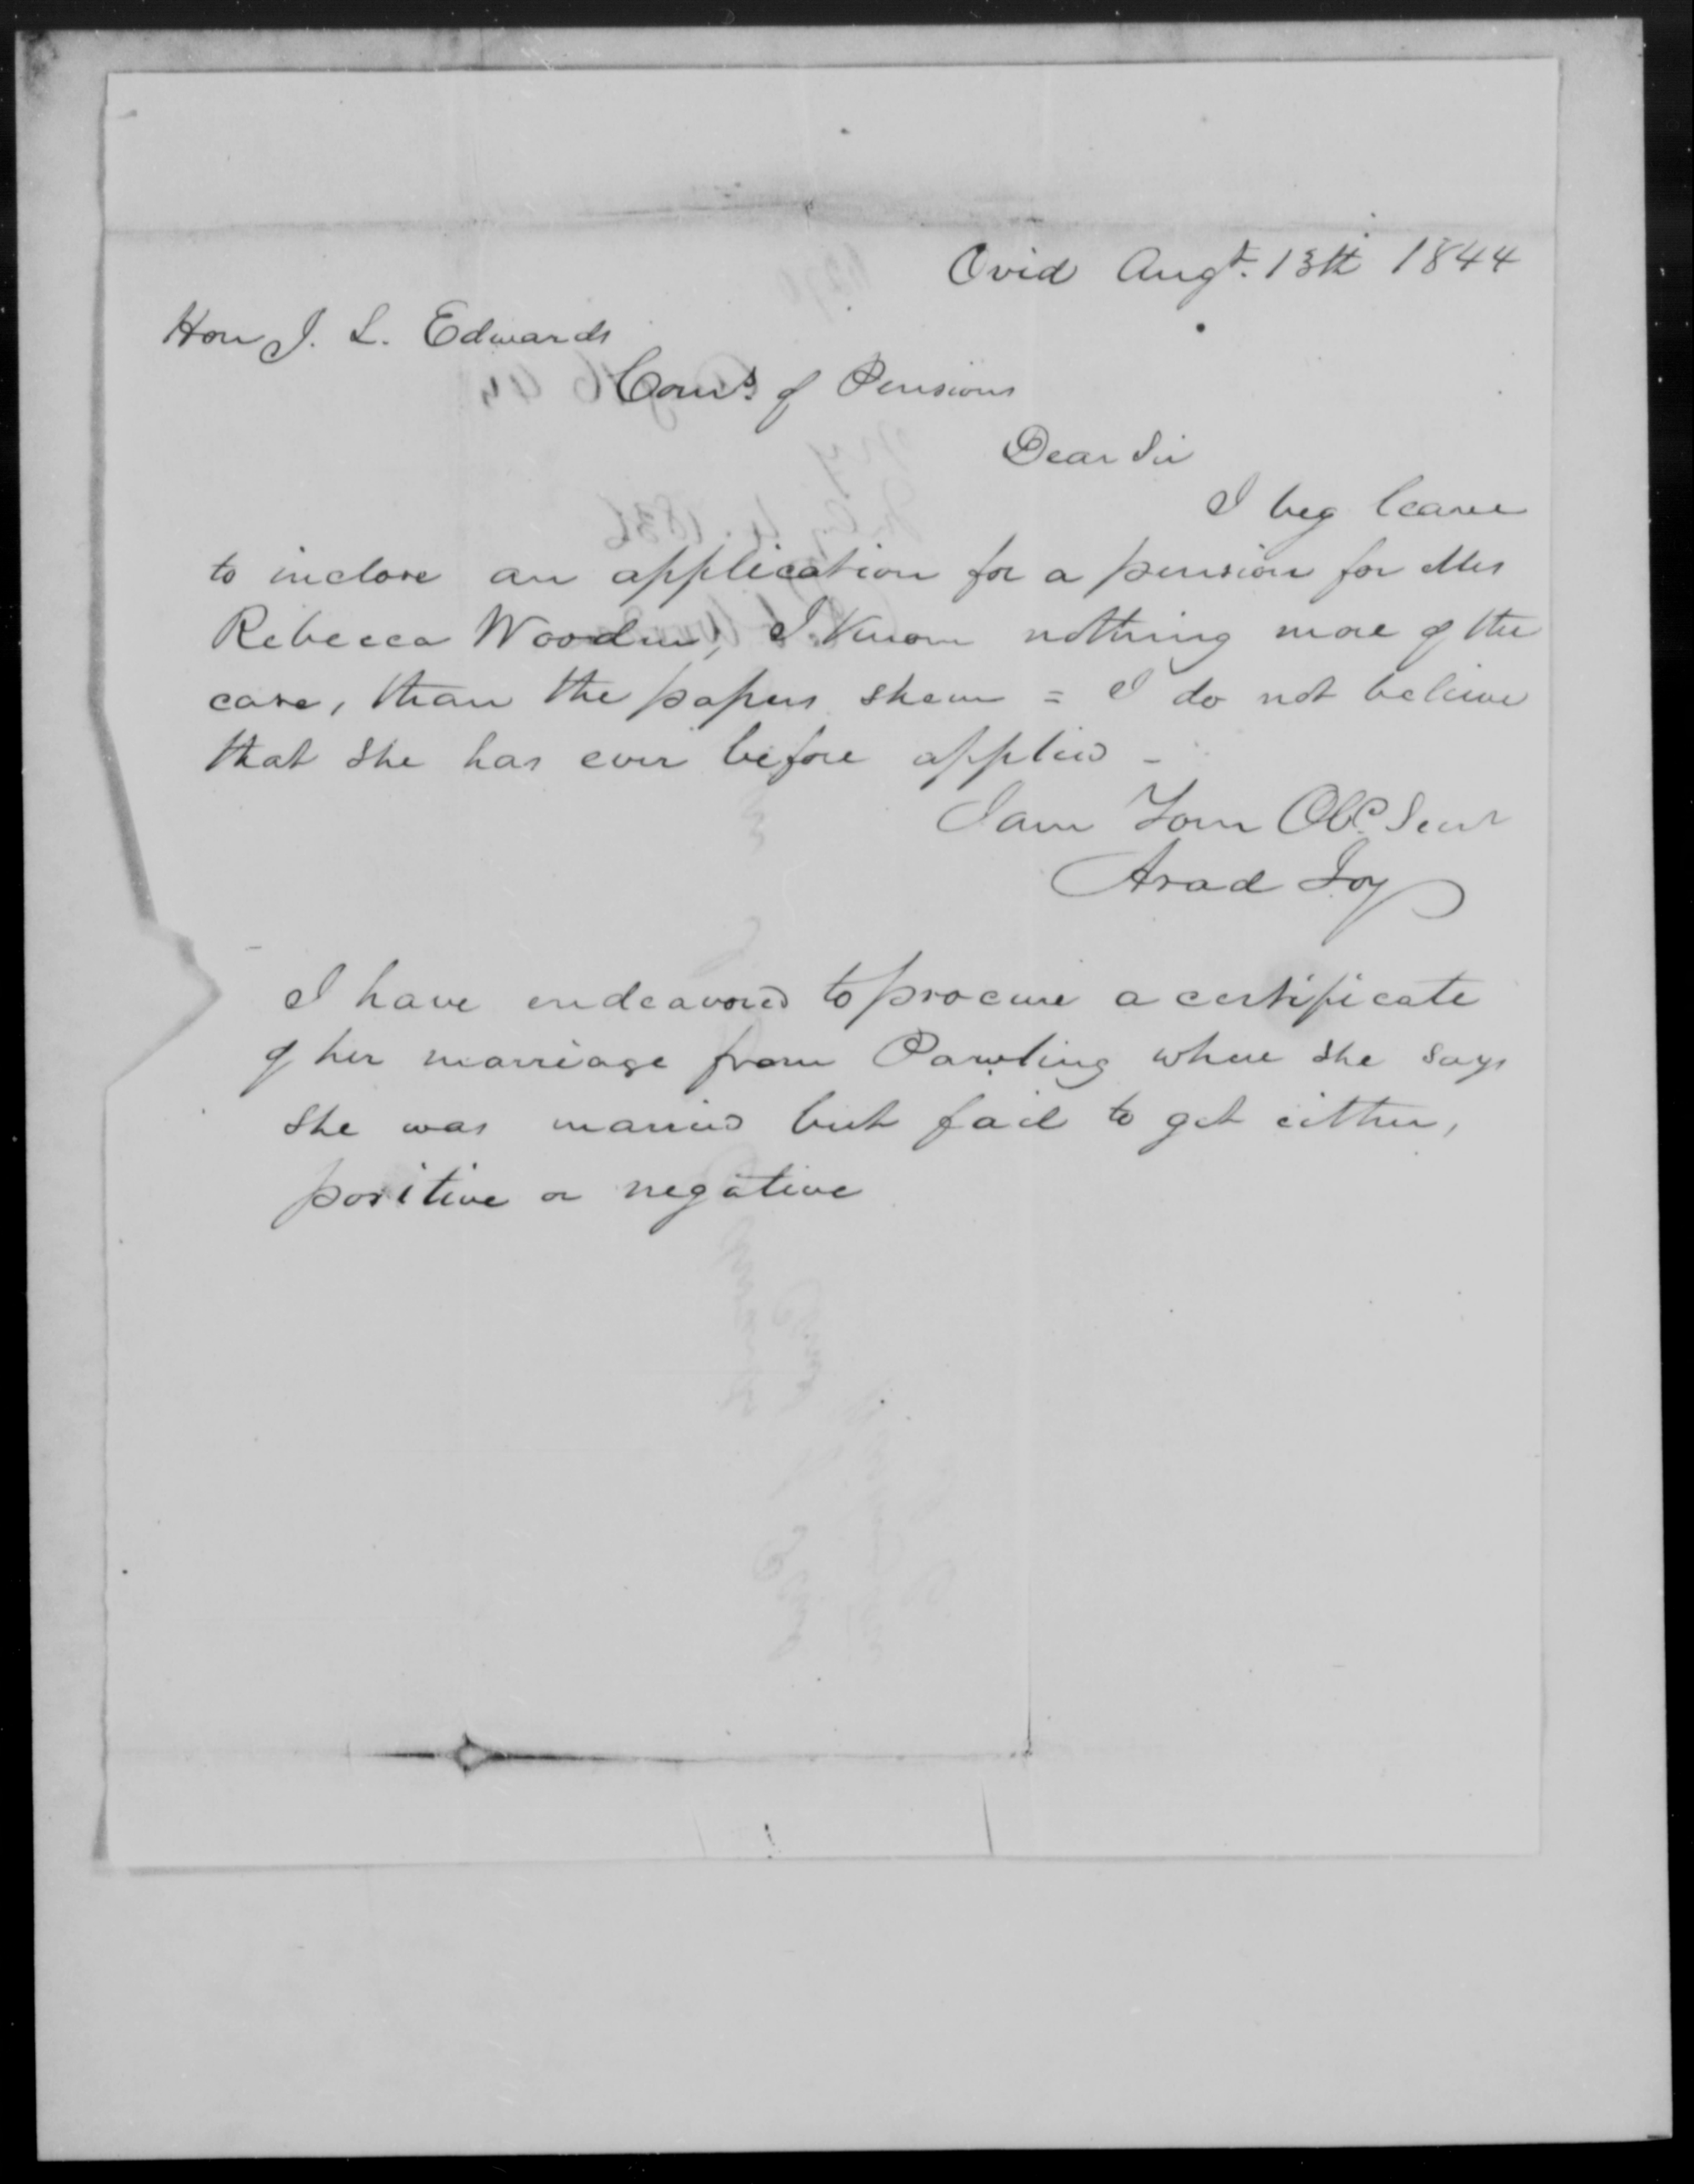Ovid Augt 13th 1844 
Hon J.L. Edwards 
Court of Pensions 
Dear Sir 
I beg leave to inclose an application for a pension for Mrs Rebecca Woodin, I know nothing more of the case, than the papers show. I do not believe that she has ever before applied 
I am Your Obd Sert
Arad Joy 
I have endeavored to procure a certificate of her marriage from Pawling where she says she was married but fail to get either, positive or negative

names: Arad Joy, Rebecca Woodin, J L Edwards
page: 66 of 77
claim: widow's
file: W. 19658, John Woodin, New York